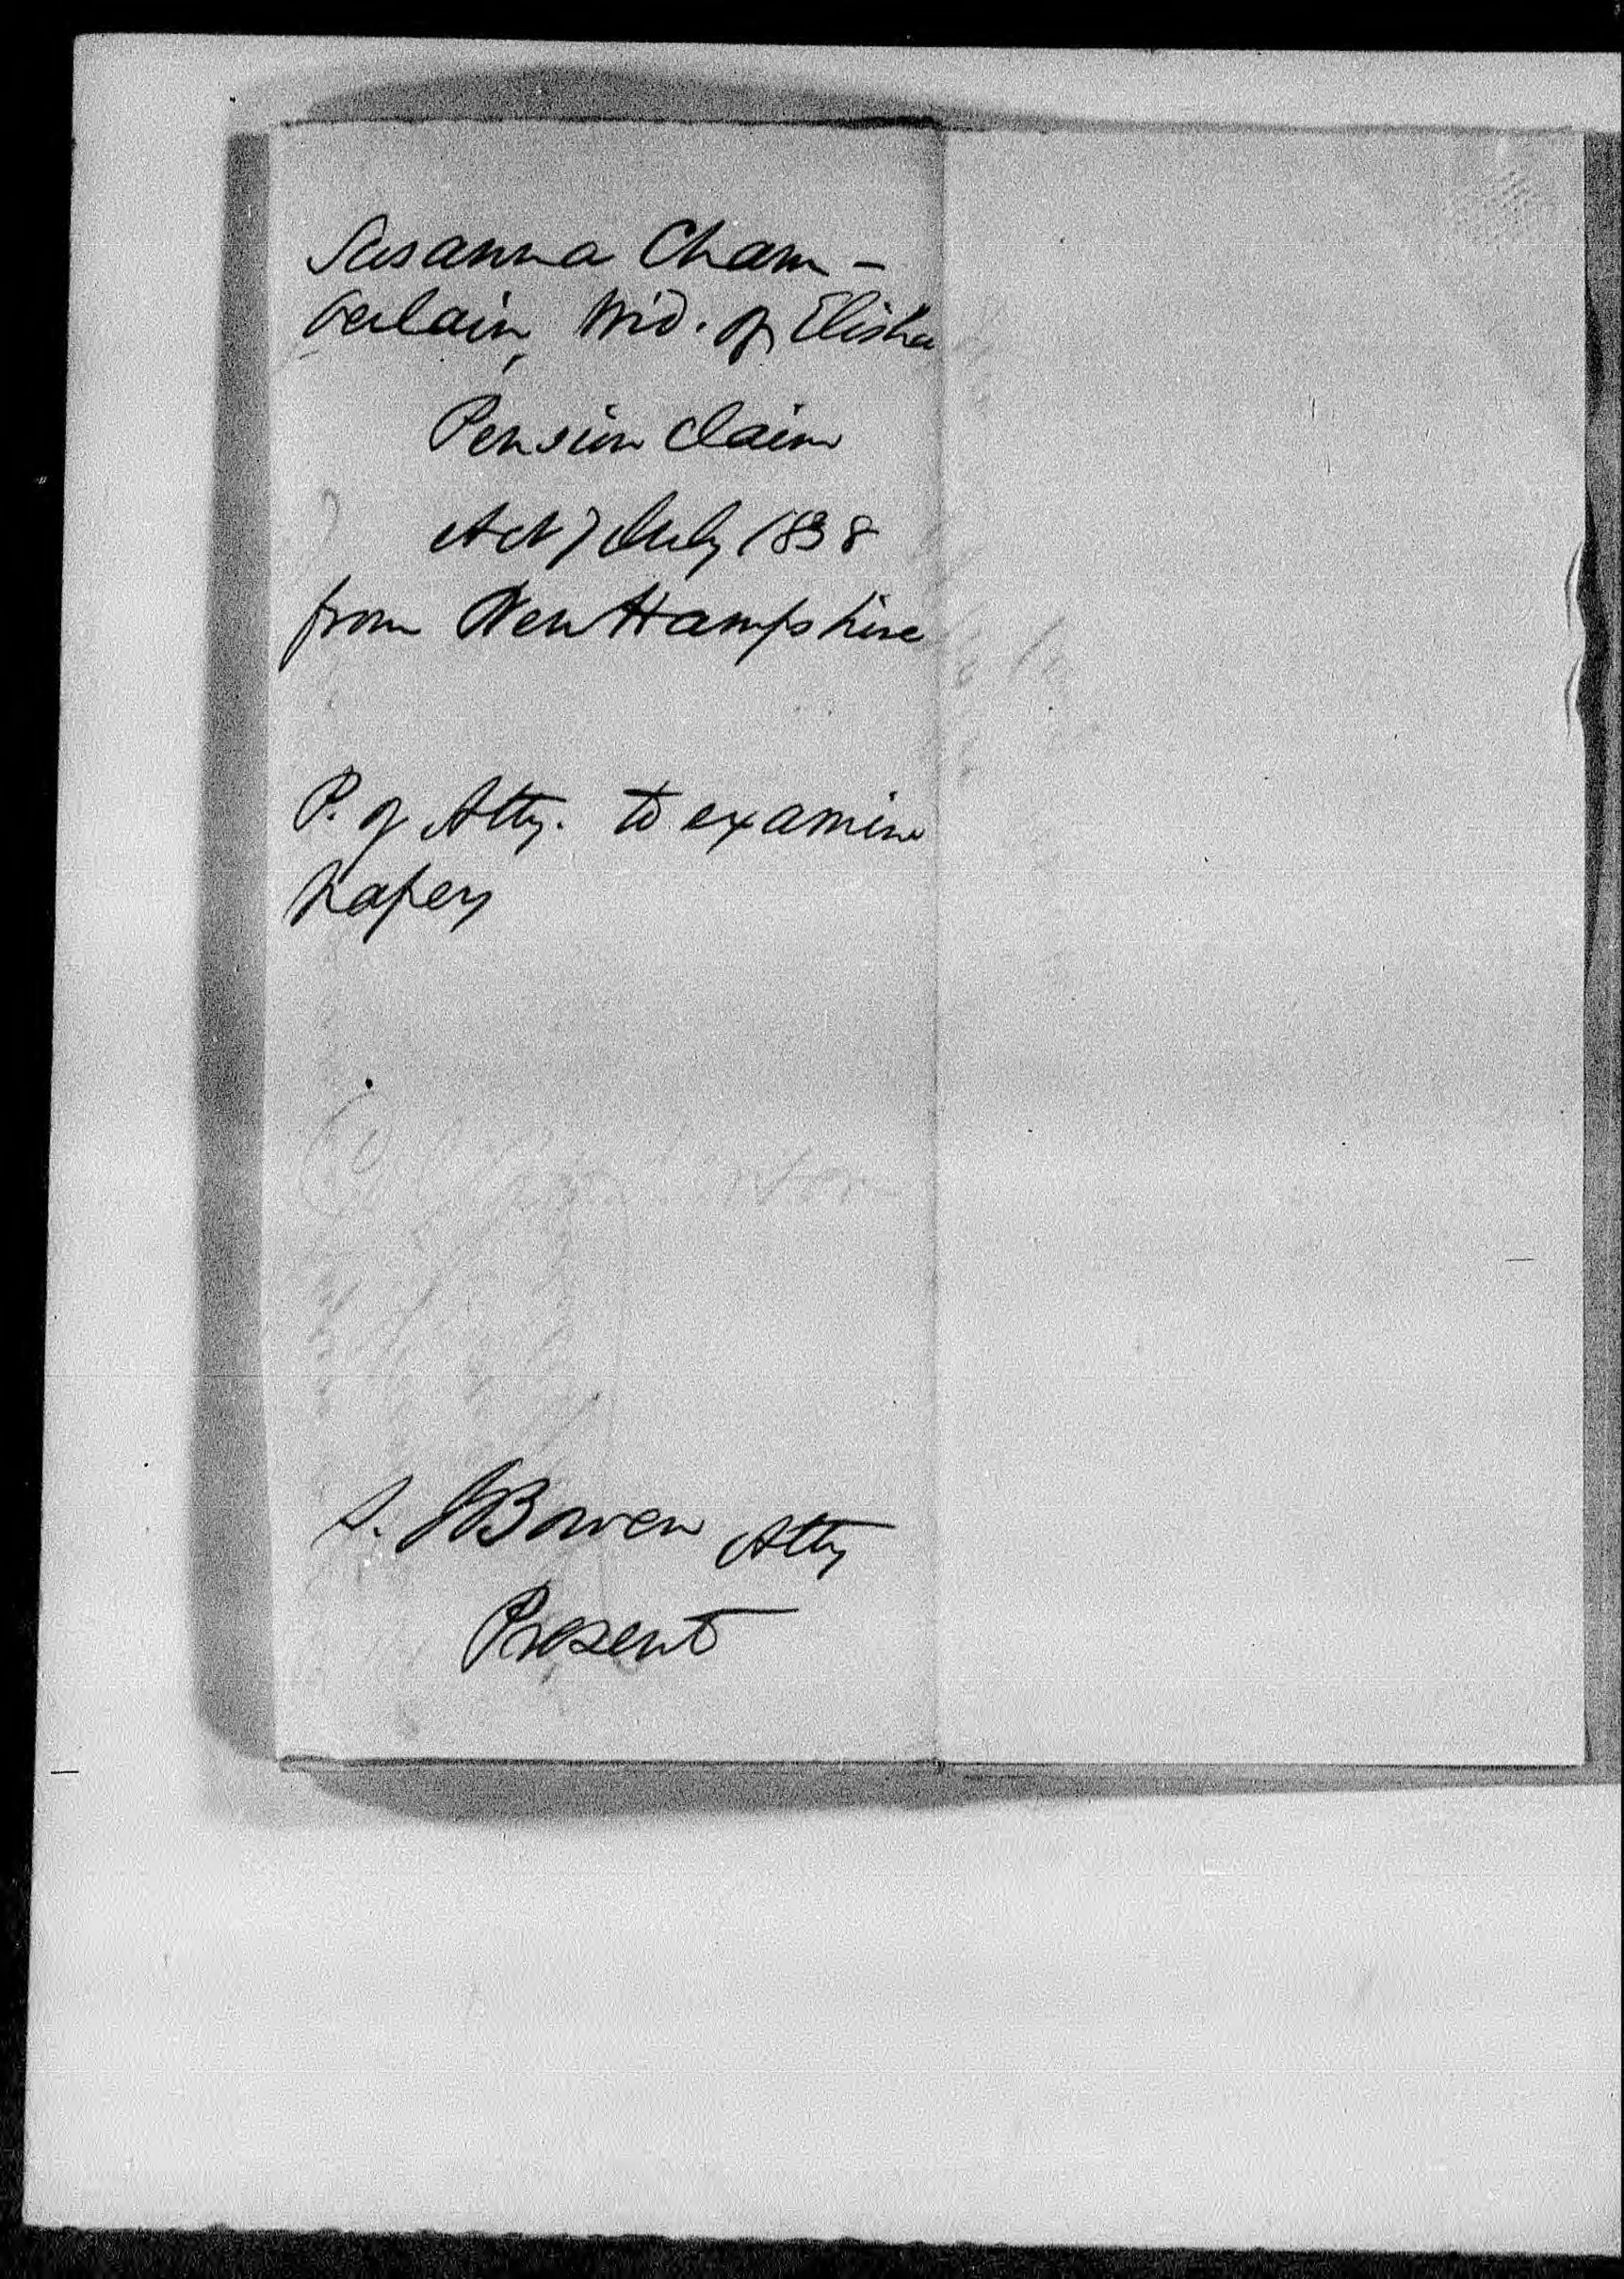Susanna Chamberlain,
wid. of Elisha
Pension Claim
Act 7 July 1838
from New Hampshire

P. of Atty. to examine
papers

S. J Bowen Atty
Present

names: S J Bowen, Elisha, Susanna Chamberlain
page: 8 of 24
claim: rejected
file: R. 1835, Elisha Chamberlain, Mass.